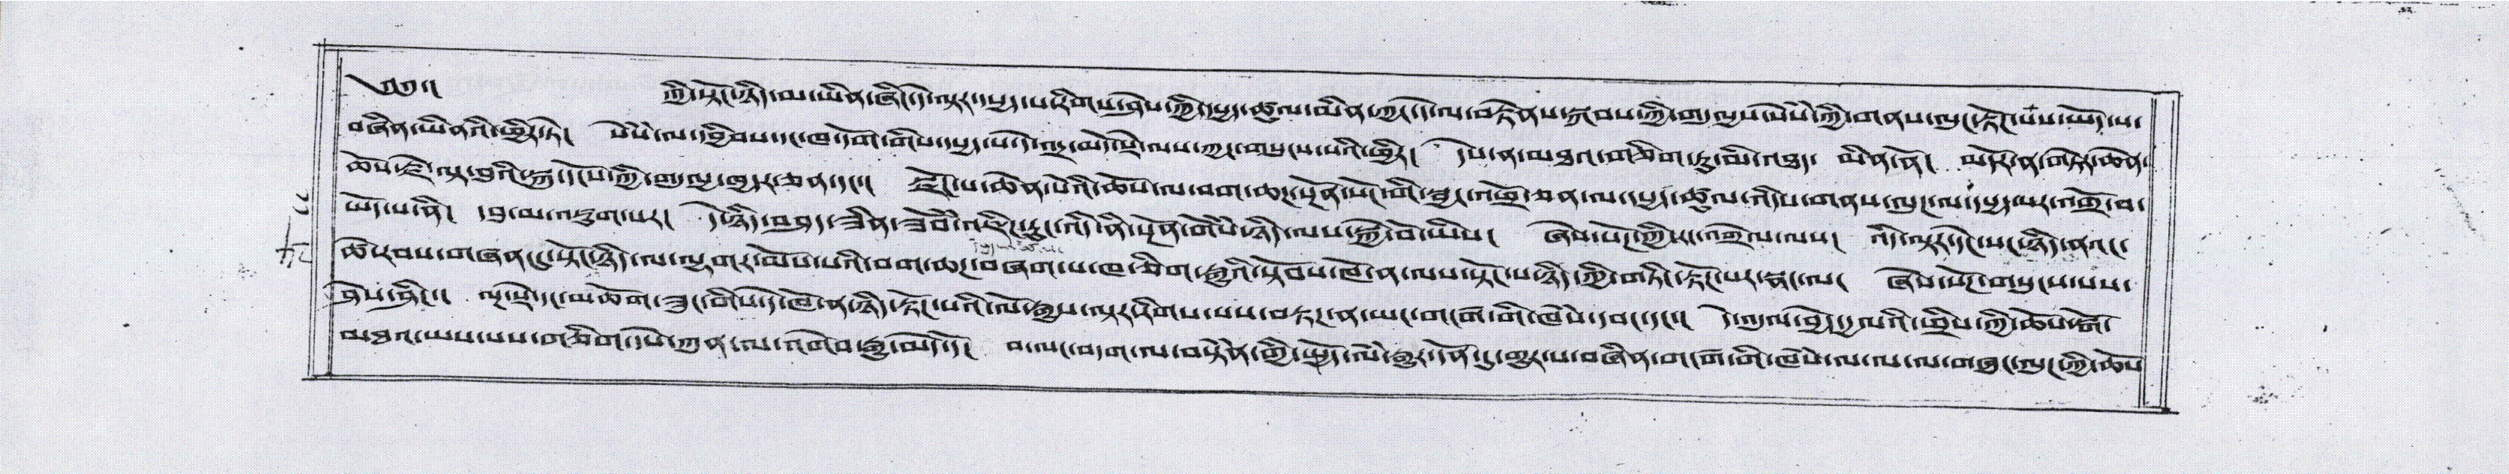ཀྱི་སྟོང་ཉིད་མ་ཡིན་ཞིང་དེ་ལྟར་དཔྱད་པ་རིགས་ཤེས་ཀྱི་དཔྱད་ཚུལ་མིན་ཀྱང་དེ་ལ་བརྟེན་ནས་སྐབས་ཀྱི་གདུལ་བྱས་སེམས་ཀྱི་གནས་ལུགས་རྟོགས་པས་ཡོད་པ་
བཞིན་ཡིན་པའི་ཕྱིར་ཏེ། སེམས་ལ་དབྱིབས་དང་ཁ་དོག་གིས་དཔྱད་པ་དེ་འདྲ་མདོ་སྡེ་ལས་ཀྱང་གསུངས་པའི་ཕྱིར། དེས་ན་མཐའ་གཅིག་ཏུ་མི་འཐད་མིན་ནོ། མདོར་ན་གཏེར་ཆེན་
ཆོས་རྗེ་ལྟ་བུའི་སྐུ་དངོས་ཀྱི་གདུལ་བྱ་ཁྱད་པར་ཅན་དང། རྫོགས་པ་ཆེན་པོའི་ཆོས་ལ་བག་ཆགས་སྔོན་སོང་གི་སྦྱང་འཕྲོ་ཅན་ལ་དཔྱད་ཚུལ་འདིས་གནས་ལུགས་ལ་དཔྱད་པར་འགྲོ་བ་
ཡོད་པ་ནི། དབུ་མ་འཇུག་པར། དེ་ཉིད་བཤད་ཟིན་ཟབ་མོ་འཇིགས་རུང་འདི་ནི་སྔོན་གོམས་ཉིད་ལས་སྐྱེ་བོ་ཡིས། ཞེས་སོགས་ཀྱི་རང་འགྲེལ་ལས། འདི་ལྟར་དེང་སང་ཉིད་ནའང་
ཚེ་རབས་གཞན་དུ་སྟོང་ཉིད་ལ་ལྷག་པར་མོས་པའི་བག་ཆགས་བཞག་པ་ཁ་ཅིག་རྒྱུའི་སྟོབས་ཁོ་ན་ལས་སྟོང་པ་ཉིད་ཀྱི་གཏིང་རྟོགས་པར་སྣང་ལ། ཞེས་སོགས་གསུངས་པས་
ཤེས་ཤིང། ལྔ་སྡེ་དང་མཆོག་ཟུང་གིས་དེ་ཁོ་ན་ཉིད་རྟོགས་པའི་ལོ་རྒྱུས་ལྟར་རིགས་པས་བརྟགས་ན་ཡང་གང་ཟག་གི་ཁམས་དབང་དང། དེ་འདུལ་བྱེད་རྒྱལ་བའི་ཕྲིན་ལས་ཀྱི་ཆོས་སྒོ་
མཐའ་ཡས་པས་གཅིག་དཔེ་ཀུན་ལ་འགེབ་རྒྱུ་མེད་དོ། བ་ལང་བདག་ལ་བསྟན་གྱི་སྤྱོད་ལམ་རྒྱུར་དོན་དུ་གྱུར་པ་བཞིན་གང་ཟག་གི་ཁམས་ལ་ལ་ལ་གཞུང་ལུགས་ཀྱི་ཆོས་